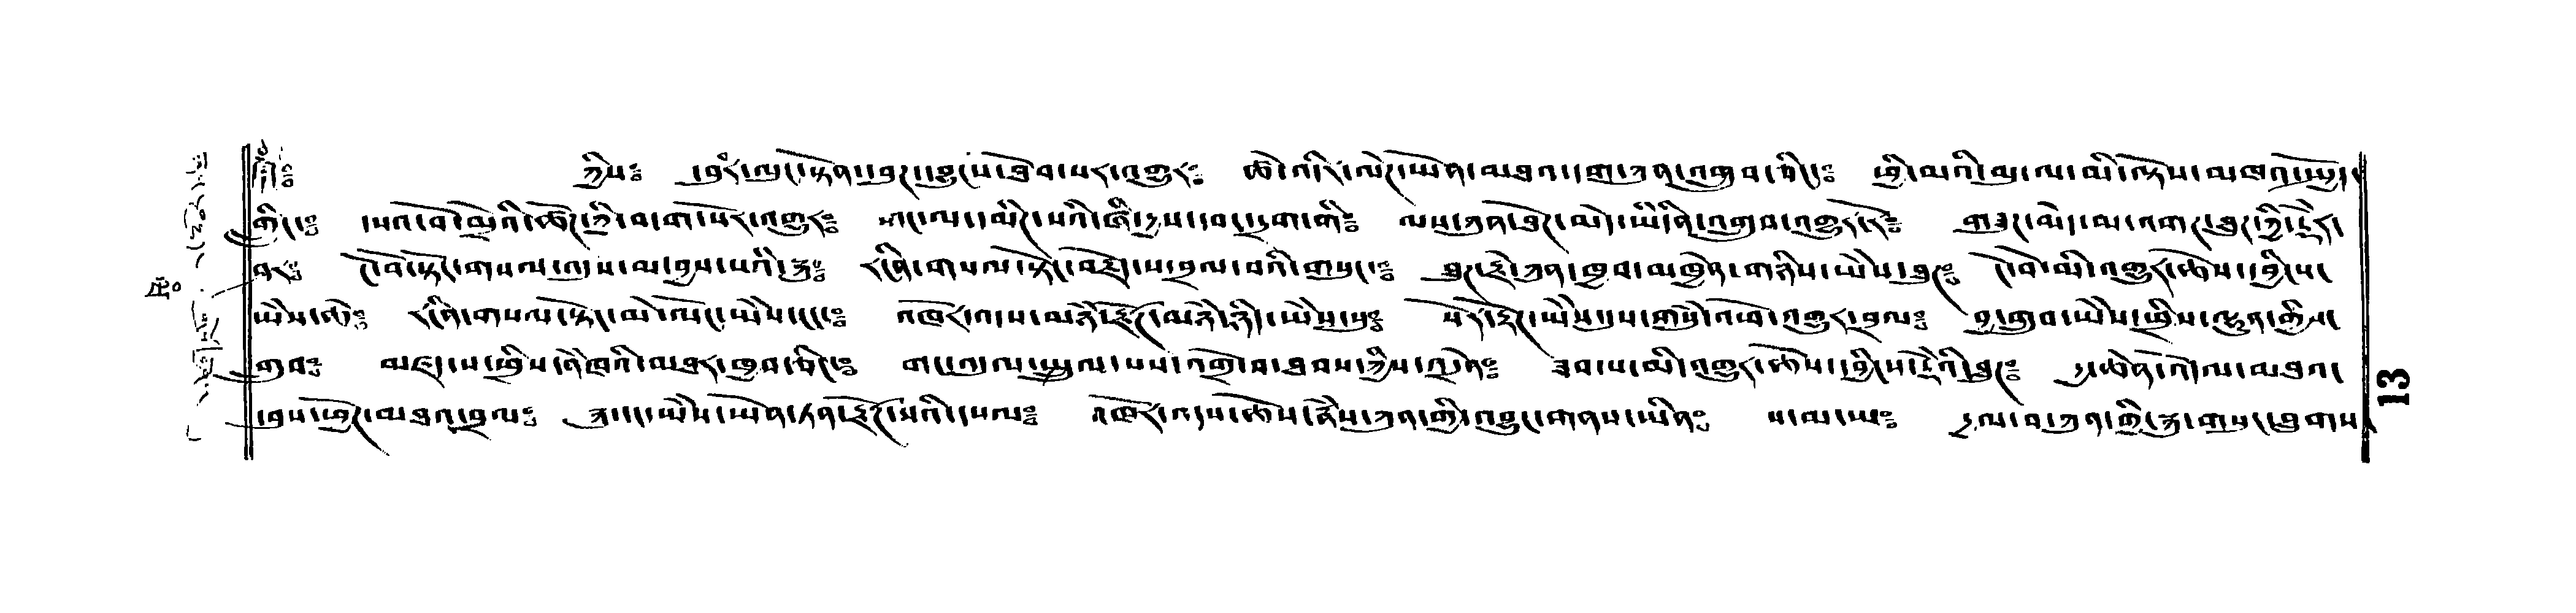ཀྱིས༔ དབང་བསྐུར་ལུང་སྟོན་དབུགས་དབྱུང་ཐོབ་པར་འགྱུར༔ ཚེ་འདིར་ལེགས་ཡོན་མཐའ་དག་ཀུན་འགྲུབ་ཅིང༔ ཕྱི་མའི་མུ་ལ་མི་ལྟོས་མཁའ་སྤྱོད་
གླིང༔ དཔའ་བོ་མཁའ་འགྲོའི་ཚོགས་ཀྱི་བདག་པོར་འགྱུར༔ གང་ལ་དམིགས་པའི་ཞི་རྒྱས་དབང་དྲག་གི༔ ལས་ཀུན་ཐོགས་མེད་ཡིད་བཞིན་འགྲུབ་འགྱུར་རོ༔ གཟུགས་མེད་མ་འགགས་ཐུགས་ཀྱི་རྡོ་རྗེར་
ཤར༔ ངོ་བོ་སྟོང་གསལ་འདུས་མ་བྱས་པའི་སྐུ༔ རང་བཞིན་གསལ་སྟོང་བརྗོད་པ་བྲལ་བའི་གསུང༔ ཐུགས་རྗེ་ཀུན་ཁྱབ་མཁྱེན་གཉིས་ཡེ་ཤེས་ཐུགས༔ ངོ་བོ་མི་འགྱུར་ཆོས་དབྱིངས་
ཡེ་ཤེས་ཆེ༔ རང་བཞིན་གསལ་སྟོང་མེ་ལོང་ཡེ་ཤེས་ངང༔ འཁོར་འདས་མཉམ་རྫོགས་མཉམ་ཉིད་ཡེ་ཤེས་སུ༔ སོར་རྟོགས་ཡེ་ཤེས་དུས་གསུམ་འཕོ་འགྱུར་བྲལ༔ བྱ་གྲུབ་ཡེ་ཤེས་ཕྲིན་ལས་ལྷུན་གྱིས་
གྲུབ༔ མཛད་པ་ཕྲིན་ལས་ནམ་མཁའི་མཐར་ཁྱབ་ཅིང༔ གང་འདུལ་སྤྲུལ་པས་འགྲོ་བ་ཐབས་ཀྱི་འདྲེན༔ ཟབ་པ་མི་འགྱུར་ཆོས་དབྱིངས་རྡོ་རྗེའི་ཐུགས༔ རྒྱ་ཆེན་འོད་གསལ་མཐའ་
དབུས་ཕྱོགས་མཐའ་བྲལ༔ སྐུ་དང་ཡེ་ཤེས་ཡོན་ཏན་རྫོགས་པའི་དཔལ༔ འཁོར་འདས་ཆོས་རྣམས་ཀུན་གྱི་འབྱུང་གནས་ཡིན༔ ས་མ་ཡ༔ རྒྱལ་བ་ཀུན་གྱི་སྐུ་གསུང་ཐུགས་